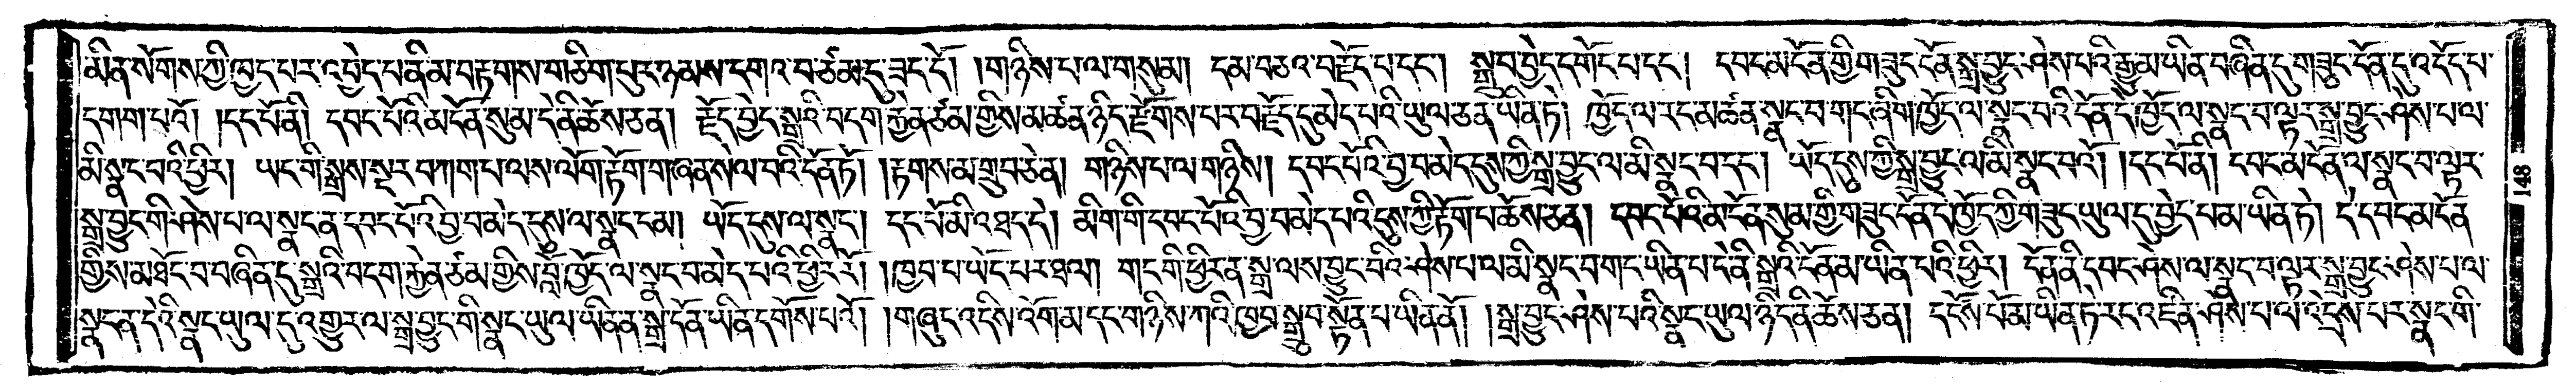མིན་སོགས་ཀྱི་ཁྱད་པར་འབྱེད་པ་ནི་མ་བརྟགས་གཅིག་པུར་ཉམས་དགའ་བ་ཙམ་དུ་ཟད་དོ། །གཉིས་པ་ལ་གསུམ། དམ་བཅའ་བརྗོད་པ་དང་། སྒྲུབ་བྱེད་དགོད་པ་དང་། དབང་མངོན་གྱི་གཟུང་དོན་སྒྲ་བྱུང་ཤེས་པའི་རྒྱུ་མ་ཡིན་བཞིན་དུ་གཟུང་དོན་དུ་འདོད་པ་
དགག་པའོ། །དང་པོ་ནི། དབང་པོའི་མངོན་སུམ་དེ་ནི་ཆོས་ཅན། རྗོད་བྱེད་སྒྲའི་བདག་རྐྱེན་ཙམ་གྱིས་མཚན་ཉིད་རྫོགས་པར་བརྗོད་དུ་མེད་པའི་ཡུལ་ཅན་ཡིན་ཏེ། ཁྱོད་ལ་རང་མཚན་སྣང་བ་གང་ཞིག་ཁྱོད་ལ་སྣང་བའི་དོན་དེ་ཁྱོད་ལ་སྣང་བ་ལྟར་སྒྲ་བྱུང་ཤེས་པ་ལ་
མི་སྣང་བའི་ཕྱིར། ཡང་གི་སྒྲས་སྔར་བཀག་པ་ལས་ལོག་རྟོག་གཞན་སེལ་བའི་དོན་ཏོ། །རྟགས་མ་གྲུབ་ཅེ་ན། གཉིས་པ་ལ་གཉིས། དབང་པོའི་བྱ་བ་མེད་དུས་ཀྱི་སྒྲ་བྱུང་ལ་མི་སྣང་བ་དང་། ཡོད་དུས་ཀྱི་སྒྲ་བྱུང་ལ་མི་སྣང་བའོ། །དང་པོ་ནི། དབང་མངོན་ལ་སྣང་བ་ལྟར་
སྒྲ་བྱུང་གི་ཤེས་པ་ལ་སྣང་ན་དབང་པོའི་བྱ་བ་མེད་དུས་ལ་སྣང་ངམ། ཡོད་དུས་ལ་སྣང་། དང་པོ་མི་འཐད་དེ། མིག་གི་དབང་པོའི་བྱ་བ་མེད་པའི་དུས་ཀྱི་རྟོག་པ་ཆོས་ཅན། དབང་པོའི་མངོན་སུམ་གྱི་གཟུང་དོན་དེ་ཁྱོད་ཀྱི་གཟུང་ཡུལ་དུ་བྱེད་པ་མ་ཡིན་ཏེ། དེ་དབང་མངོན་
གྱིས་མཐོང་བ་བཞིན་དུ་སྒྲའི་བདག་རྐྱེན་ཙམ་གྱིས་བློ་ཁྱོད་ལ་སྣང་བ་མེད་པའི་ཕྱིར་རོ། །ཁྱབ་པ་ཡོད་པར་ཐལ། གང་གི་ཕྱིར་ན་སྒྲ་ལས་བྱུང་བའི་ཤེས་པ་ལ་མི་སྣང་བ་གང་ཡིན་པ་དེ་ནི་སྒྲའི་དོན་མ་ཡིན་པའི་ཕྱིར། དོན་ནི་དབང་ཤེས་ལ་སྣང་བ་ལྟར་སྒྲ་བྱུང་ཤེས་པ་ལ་
སྣང་ན་དེའི་སྣང་ཡུལ་དུ་འགྱུར་ལ་སྒྲ་བྱུང་གི་སྣང་ཡུལ་ཡིན་ན་སྒྲ་དོན་ཡིན་དགོས་པའོ། །གཞུང་འདིས་འོག་མ་དང་གཉིས་ཀའི་ཁྱབ་སྒྲུབ་སྟོན་པ་ཡིན་ནོ། །སྒྲ་བྱུང་ཤེས་པའི་སྣང་ཡུལ་ཉིད་ནི་ཆོས་ཅན། དངོས་པོ་མ་ཡིན་ཏེ་རང་འཛིན་ཤེས་པ་ལ་འདྲེས་པར་སྣང་གི་